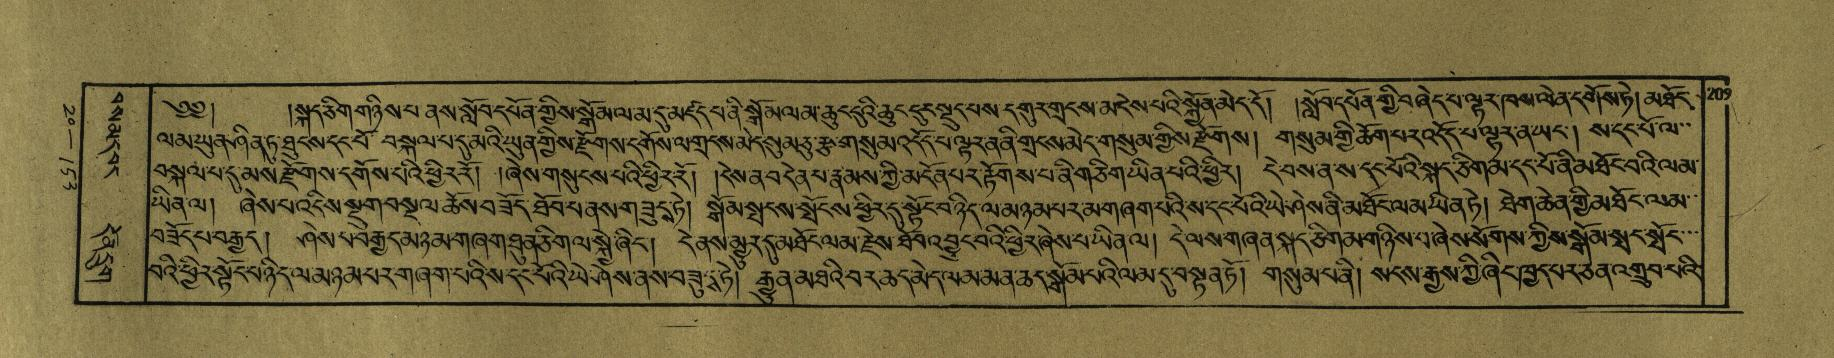༄༅། །སྐད་ཅིག་གཉིས་པ་ནས་སློབ་དཔོན་གྱིས་སྒོམ་ལམ་དུ་མཛད་པ་ནི་སྒོམ་ལམ་ཆུང་ངུའི་ཆུང་ངུར་སྡུད་པས་དགུར་གྲངས་མ་ངེས་པའི་སྐྱོན་མེད་དོ། །སློབ་དཔོན་གྱི་བཞེད་པ་ལྟར་ཁས་ལེན་དགོས་ཏེ། མཐོང་
ལམ་ཡུན་ཤིན་ཏུ་ཐུངས་དང་པོ་བསྐལ་པ་དུ་མའི་ཡུན་གྱིས་རྫོགས་དགོས་ལ་གྲངས་མེད་སུམ་ཅུ་རྩ་གསུམ་འདོད་པ་ལྟར་ན་ནི་གྲངས་མེད་གསུམ་གྱིས་རྫོགས། གསུམ་གྱི་ཆོག་པར་འདོད་པ་ལྟར་ན་ཡང་། ས་དང་པོ་ལ་
བསྐལ་པ་དུ་མས་རྫོགས་དགོས་པའི་ཕྱིར་རོ། །ཞེས་གསུངས་པའི་ཕྱིར་རོ། །དེས་ན་བདེན་པ་རྣམས་ཀྱི་མངོན་པར་རྟོགས་པ་ནི་གཅིག་ཡིན་པའི་ཕྱིར། དེ་བས་ན་ས་དང་པོའི་སྐད་ཅིག་མ་དང་པོ་ནི་མཐོང་བའི་ལམ་
ཡིན་ལ། ཞེས་པ་འདིས་སྡུག་བསྔལ་ཆོས་བཟོད་ཐོབ་པ་ནས་གཟུངས་ཏེ། སྒོམ་སྤངས་སྤོངས་ཕྱིར་དུ་སྟོང་བ་ཉིད་ལ་མཉམ་པར་མ་གཞག་པའི་ས་དང་པོའི་ཡེ་ཤེས་ནི་མཐོང་ལམ་ཡིན་ཏེ། ཐེག་ཆེན་གྱི་མཐོང་ལམ་
བཟོད་པ་བརྒྱད། ཤེས་པ་བརྒྱད་མཉམ་གཞག་ཐུན་ཅིག་ལ་སྐྱེ་ཞིང་། དེ་ནས་མྱུར་དུ་མཐོང་ལམ་རྗེས་ཐོབ་འབྱུང་བའི་ཕྱིར་ཞེས་པ་ཡིན་ལ། དེ་ལས་གཞན་སྐད་ཅིག་མ་གཉིས་བ་ཞེས་སོགས་ཀྱིས་སྒོམ་སྤང་སྤོང་
བའི་ཕྱིར་སྟོང་པ་ཉིད་ལ་མཉམ་པར་གཞག་པའི་ས་དང་པོའི་ཡེ་ཤེས་ནས་བཟུངས་ཏེ། རྒྱུན་མཐའི་བར་ཆད་མེད་ལམ་མན་ཆད་སྒོམ་པའི་ལམ་དུ་བསྟན་ཏོ། གསུམ་པ་ནི། སངས་རྒྱས་ཀྱི་ཞིང་ཁྱད་པར་ཅན་འགྲུབ་པའི་